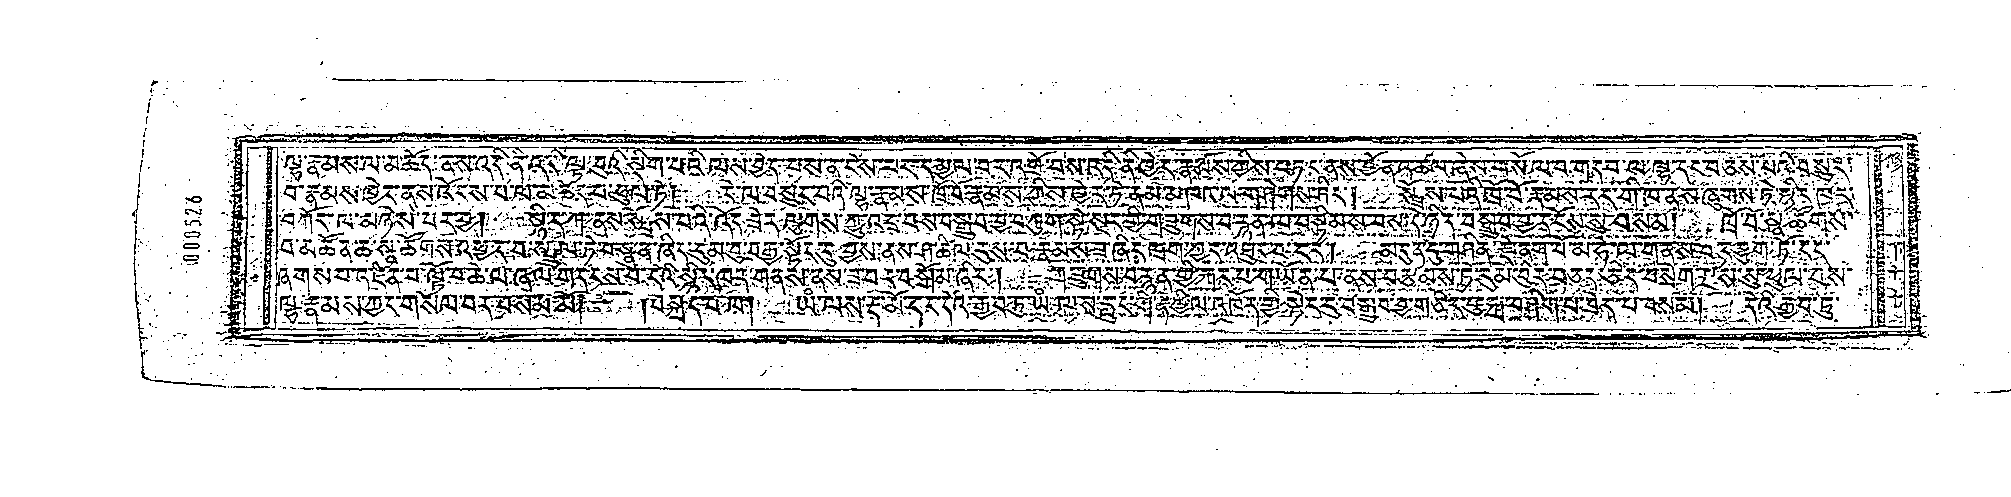ལྷ་རྣམས་ལ་མཆོད་ནས་འདི་ནི་འདི་ལྟ་བུའི་སྡིག་པའི་ལས་བྱེད་པས་ན་ངེས་པར་དམྱལ་བར་འགྲོ་བས་འདི་ནི་ཁྱེད་རྣམས་ཀྱིས་བཏང་ནས་བྱོན་འཚལ་ཞེས་གསོལ་བ་གདབ་ལ་ལྷ་དང་བཅས་པའི་བསྲུང་
བ་རྣམས་ཁྱེད་ནས་འོངས་པ་ལ་མཚེད་པ་ཕུལ་ཏེ། དེ་ལ་བསྲུང་བའི་ལྷ་རྣམས་ཁྲོ་བོ་རྣམས་ཀྱིས་ཁྱེར་ཏེ་ནམ་མཁའ་ལ་གཤེགས་ཤིང་། སྤྲོས་པའི་ཁྲོ་བོ་རྣམས་རང་གི་ཁ་ནས་ཞུགས་ཏེ་སྙིང་ཁར་
བཀོད་ལ་མཉེས་པར་བྱ། སྙིང་ཀ་ནས་སྤྲོས་པའི་འོད་ཟེར་ལྕགས་ཀྱུ་འདྲ་བས་བསྒྲུབ་བྱ་བཀུག་སྟེ་སྔར་གྱི་གཟུགས་བརྙན་ལ་བསྟིམས་བས་དེ་ཉིད་བསྒྲུབ་བྱ་དངོས་སུ་བསམ། ཁྲོ་བོ་སྣ་ཚོགས་
བ་མཚོན་ཆ་སྣ་ཚོགས་འཕྱང་བ་བསྤྲུལ་ཏེ་བསྣན་ཞིང་དུམ་བུ་བརྒྱ་སྟོང་དུ་བྱས་ནས་ཤ་ཚིལ་རུས་པ་རྣམས་ཟ་ཞིང་ཁྲག་ཀྱང་འཐུང་བ་དང་། མདུན་དུ་གཤིན་རྗེ་ནག་པོ་མ་ཧེ་ལ་གནས་པར་བྱུག་ཏོ་དང་
ཞགས་པ་འཛིན་པ་ལྟོ་བ་ཆེ་ལ་ཞལ་གདངས་བ་དེའི་སྙིང་ཁར་གནས་ནས་ཟ་བར་བསྒོམ་ཞིང་། གཟུགས་བརྙན་གྱི་རྐང་པ་གཡོན་པ་ནས་བརྩམས་ཏེ་དུམ་བུར་བཅད་ཅིང་བསྲེག་རྫས་སུ་ཕུལ་བས་
ལྷ་རྣམས་ཀྱང་གསོལ་བར་བསམ་མོ། །བསྐྲད་པ་ལ། ཡཾ་ལས་རྔ་མོ་དང་དེའི་རྒྱབ་ཏུ་ཡཾ་ལས་རླུང་གི་དཀྱིལ་འཁོར་གྱི་སྟེང་དུ་བསྒྲུབ་བྱ་གཅིད་བུ་སྐྲ་བཤིག་པ་བྲེད་པ་བསམ། དེའི་རྒྱབ་ཏུ་